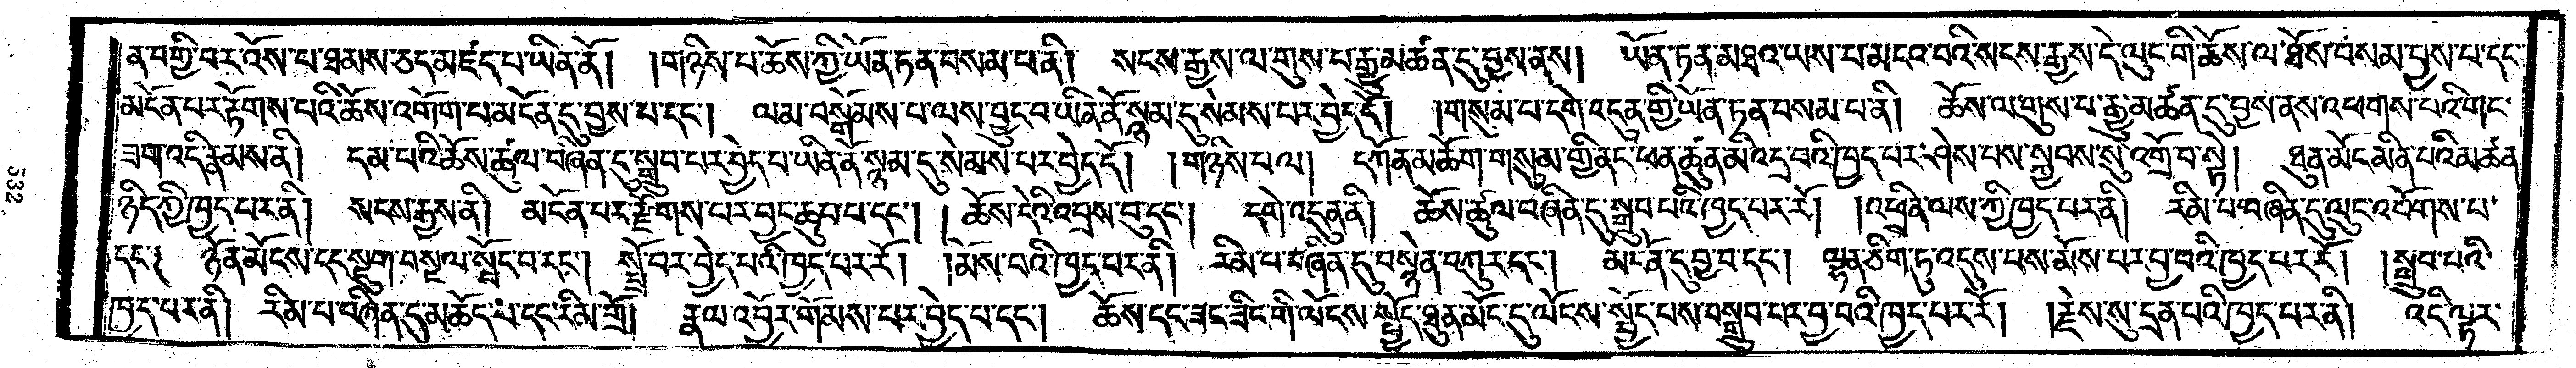ན་བགྱི་བར་འོས་པ་ཐམས་ཅད་མཛད་པ་ཡིན་ནོ། །གཉིས་པ་ཆོས་ཀྱི་ཡོན་ཏན་བསམ་པ་ནི། སངས་རྒྱས་ལ་གུས་པ་རྒྱུ་མཚན་དུ་བྱས་ནས། ཡོན་ཏན་མཐའ་ཡས་པ་མངའ་བའི་སངས་རྒྱས་དེ་ལུང་གི་ཆོས་ལ་ཐོས་བསམ་བྱས་པ་དང་
མངོན་པར་རྟོགས་པའི་ཆོས་འགོག་པ་མངོན་དུ་བྱས་པ་དང་། ལམ་བསྒོམས་པ་ལས་བྱུང་བ་ཡིན་ནོ་སྙམ་དུ་སེམས་པར་བྱེད་དོ། །གསུམ་པ་དགེ་འདུན་གྱི་ཡོན་ཏན་བསམ་པ་ནི། ཆོས་ལ་གུས་པ་རྒྱུ་མཚན་དུ་བྱས་ནས་འཕགས་པའི་གང་
ཟག་འདི་རྣམས་ནི། དམ་པའི་ཆོས་ཚུལ་བཞིན་དུ་སྒྲུབ་པར་བྱེད་པ་ཡི་ནོ་སྙམ་དུ་སེམས་པར་བྱེད་དོ། །གཉིས་པལ། དཀོན་མཆོག་གསུམ་གྱི་ནང་ཕན་ཚུན་མི་འདྲ་བའི་ཁྱད་པར་ཤེས་པས་སྐྱབས་སུ་འགྲོ་བ་སྟེ། ཐུན་མོང་མིན་པའི་མཚན་
ཉིད་ཀྱི་ཁྱད་པར་ནི། སངས་རྒྱས་ནི། མངོན་པར་རྫོགས་པར་བྱང་ཆུབ་པ་དང་། །ཆོས་དེའི་འབྲས་བུ་དང་། དགེ་འདུན་ནི། ཆོས་ཚུལ་བཞིན་དུ་སྒྲུབ་པའི་ཁྱད་པར་རོ། །འཕྲིན་ལས་ཀྱི་ཁྱད་པར་ནི། རིམ་པ་བཞིན་དུ་ལུང་འབོགས་པ་
དང༑ ཉོན་མོངས་དང་སྡུག་བསྔལ་སྤོང་བ་དང་། སྤྲོ་བར་བྱེད་པའི་ཁྱད་པར་རོ། །མོས་བའི་ཁྱད་པར་ནི། རིམ་པ་བཞིན་དུ་བསྙེན་བཀུར་དང་། མངོན་དུ་བྱ་བ་དང་། ལྷན་ཅིག་ཏུ་འདུས་པས་མོས་པར་བྱ་བའི་ཁྱད་པར་རོ། །སྒྲུབ་པའི་
ཁྱད་པར་ནི། རིམ་པ་བཞིན་དུ་མཆོད་པ་དང་རིམ་གྲོ། རྣལ་འབྱོར་གོམས་པར་བྱེད་པ་དང་། ཆོས་དང་ཟང་ཟིང་གི་ལོངས་སྤྱོད་ཐུན་མོང་དུ་ལོངས་སྤྱོད་པས་བསྒྲུབ་པར་བྱ་བའི་ཁྱད་པར་རོ། །རྗེས་སུ་དྲན་པའི་ཁྱད་པར་ནི། འདི་ལྟར་